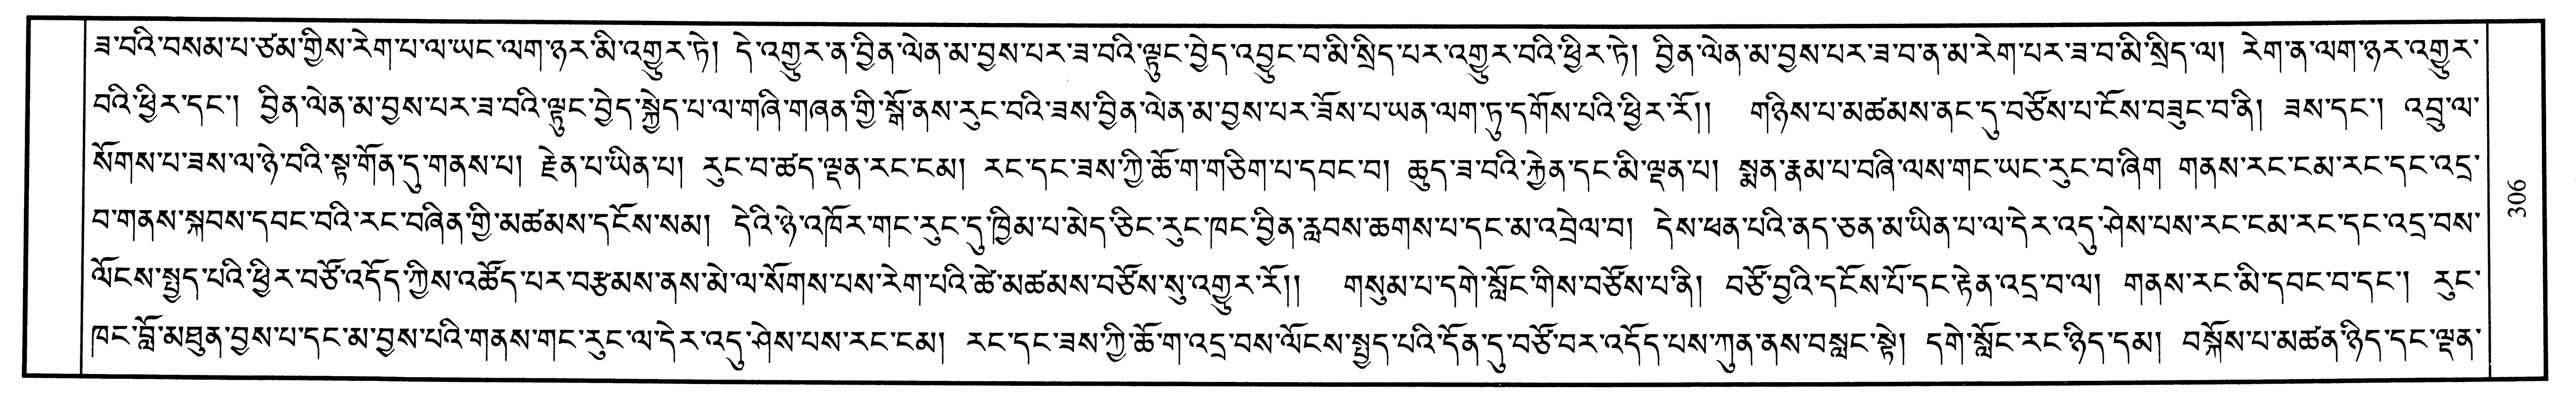ཟ་བའི་བསམ་པ་ཙམ་གྱིས་རེག་པ་ལ་ཡང་ལག་ཉར་མི་འགྱུར་ཏེ། དེ་འགྱུར་ན་བྱིན་ལེན་མ་བྱས་པར་ཟ་བའི་ལྟུང་བྱེད་འབྱུང་བ་མི་སྲིད་པར་འགྱུར་བའི་ཕྱིར་ཏེ། བྱིན་ལེན་མ་བྱས་པར་ཟ་བ་ན་མ་རེག་པར་ཟ་བ་མི་སྲིད་ལ། རེག་ན་ལག་ཉར་འགྱུར་
བའི་ཕྱིར་དང་། བྱིན་ལེན་མ་བྱས་པར་ཟ་བའི་ལྟུང་བྱེད་སྐྱེད་པ་ལ་གཞི་གཞན་གྱི་སྒོ་ནས་རུང་བའི་ཟས་བྱིན་ལེན་མ་བྱས་པར་ཟོས་པ་ཡན་ལག་ཏུ་དགོས་པའི་ཕྱིར་རོ།། གཉིས་པ་མཚམས་ནང་དུ་བཙོས་པ་ངོས་བཟུང་བ་ནི། ཟས་དང་། འབྲུ་ལ་
སོགས་པ་ཟས་ལ་ཉེ་བའི་སྟ་གོན་དུ་གནས་པ། རྗེན་པ་ཡིན་པ། རུང་བ་ཚད་ལྡན་རང་ངམ། རང་དང་ཟས་ཀྱི་ཆོ་ག་གཅིག་པ་དབང་བ། ཆུད་ཟ་བའི་རྐྱེན་དང་མི་ལྡན་པ། སྨན་རྣམ་པ་བཞི་ལས་གང་ཡང་རུང་བ་ཞིག །གནས་རང་ངམ་རང་དང་འདྲ་
བ་གནས་སྐབས་དབང་བའི་རང་བཞིན་གྱི་མཚམས་དངོས་སམ། དེའི་ཉེ་འཁོར་གང་རུང་དུ་ཁྱིམ་པ་མེད་ཅིང་རུང་ཁང་བྱིན་རླབས་ཆགས་པ་དང་མ་འབྲེལ་བ། དེས་ཕན་པའི་ནད་ཅན་མ་ཡིན་པ་ལ་དེར་འདུ་ཤེས་པས་རང་ངམ་རང་དང་འདྲ་བས་
ལོངས་སྤྱད་པའི་ཕྱིར་བཙོ་འདོད་ཀྱིས་འཚོད་པར་བརྩམས་ནས་མེ་ལ་སོགས་པས་རེག་པའི་ཚེ་མཚམས་བཙོས་སུ་འགྱུར་རོ།། གསུམ་པ་དགེ་སློང་གིས་བཙོས་པ་ནི། བཙོ་བྱའི་དངོས་པོ་དང་རྟེན་འདྲ་བ་ལ། གནས་རང་མི་དབང་བ་དང་། རུང་
ཁང་བློ་མཐུན་བྱས་པ་དང་མ་བྱས་པའི་གནས་གང་རུང་ལ་དེར་འདུ་ཤེས་པས་རང་ངམ། རང་དང་ཟས་ཀྱི་ཆོ་ག་འདྲ་བས་ལོངས་སྤྱད་པའི་དོན་དུ་བཙོ་བར་འདོད་པས་ཀུན་ནས་བསླང་སྟེ། དགེ་སློང་རང་ཉིད་དམ། བསྐོས་པ་མཚན་ཉིད་དང་ལྡན་